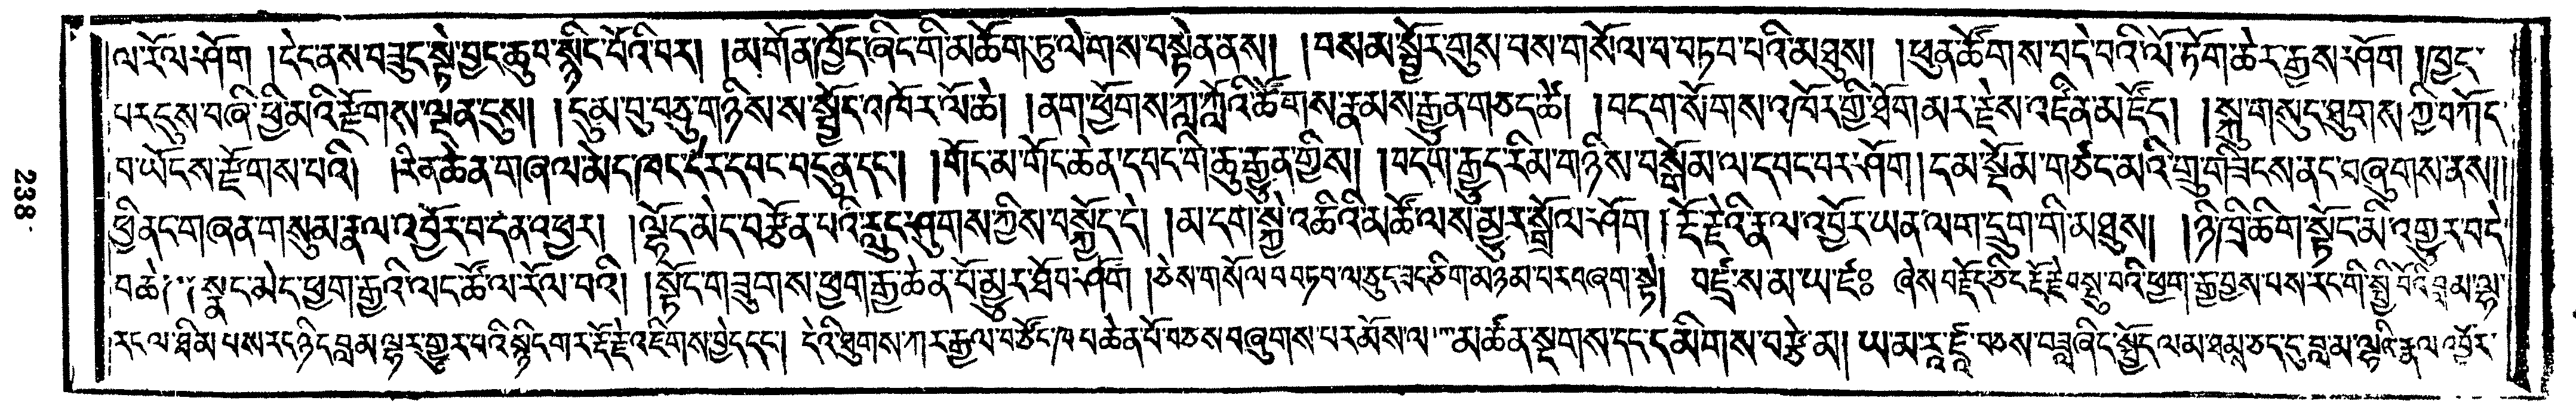ལ་རོལ་ཤོག །དེང་ནས་བཟུང་སྟེ་བྱང་ཆུབ་སྙིང་པོའི་བར། །མགོན་ཁྱོད་ཞིང་གི་མཆོག་ཏུ་ལེགས་བསྟེན་ནས། །བསམ་སྦྱོར་གུས་བས་གསོལ་བ་བཏབ་པའི་མཐུས། །ཕུན་ཚོགས་བདེ་བའི་ལོ་ཏོག་ཆེར་རྒྱས་ཤོག །ཁྱད་
པར་དུས་བཞི་ཕྱི་མའི་རྫོགས་ལྡན་དུས། །དུམ་བུ་བཅུ་གཉིས་ས་སྦྱོང་འཁོར་ལོ་ཆེ། །ནག་ཕྱོགས་ཀླ་ཀློའི་ཚོགས་རྣམས་རྒྱུན་གཅད་ཚེ། །བདག་སོགས་འཁོར་གྱི་ཐོག་མར་རྗེས་འཛིན་མཛོད། །སྐུ་གསུང་ཐུགས་ཀྱི་བཀོད་
བ་ཡོངས་རྫོགས་པའི། །རིན་ཆེན་གཞལ་མེད་ཁང་ངེར་དབང་བདུན་དང་། །གོང་མ་གོང་ཆེན་དབང་གི་ཆུ་རྒྱུན་གྱིས། །བདག་རྒྱུད་རིམ་གཉིས་བསྒོམ་ལ་དབང་བར་ཤོག །དམ་སྡོམ་གཙང་མའི་གྲུ་གཟིངས་ནང་བཞུགས་ནས། །
ཕྱི་ནང་གཞན་གསུམ་རྣལ་འབྱོར་བ་དན་འཕྱར། །ལྷོད་མེད་བརྩོན་པའི་རླུང་ཤུགས་ཀྱིས་བསྐྱོད་དེ། །མ་དག་སྐྱེ་འཆིའི་མཚོ་ལས་མྱུར་སྒྲོལ་ཤོག །རྡོ་རྗེའི་རྣལ་འབྱོར་ཡན་ལག་དྲུག་གི་མཐུས། །ཉི་ཁྲི་ཆིག་སྟོང་མི་འགྱུར་བདེ་
བ་ཆེ༑ ༑སྣང་མེད་ཕྱག་རྒྱའི་ལང་ཚོ་ལ་རོལ་བའི། །སྟོང་གཟུགས་ཕྱག་རྒྱ་ཆེན་པོ་མྱུར་ཐོབ་ཤོག །ཅེས་གསོལ་བ་བཏབ་ལ་ཅུང་ཟད་ཅིག་མཉམ་པར་བཞག་སྟེ། བཛྲ་ས་མ་ཡ་ཛཿ ཞེས་བརྗོད་ཅིང་རྡོ་རེ་བསྡུ་བའི་ཕྱག་རྒྱ་བྱས་པས་རང་གི་སྤྱི་བོའི་བླ་མ་ལྷ་
རང་ལ་ཐིམ་པས་རང་ཉིད་བླ་མ་ལྷར་གྱུར་པའི་སྙིང་གར་རྡོ་རྗེ་འཇིགས་བྱེད་དང་། དེའི་ཐུགས་ཀར་རྒྱལ་བ་ཙོང་ཁ་པ་ཆེན་པོ་བཅས་བཞུགས་པར་མོས་ལ་མཚན་སྔགས་དང་དམིགས་བརྩེ་མ། ཡ་མ་རཱ་ཛཱ་བཅས་བཟླ་ཞིང་སྤྱོད་ལམ་ཐམས་ཅད་དུ་བླ་མ་ལྷའི་རྣལ་འབྱོར་